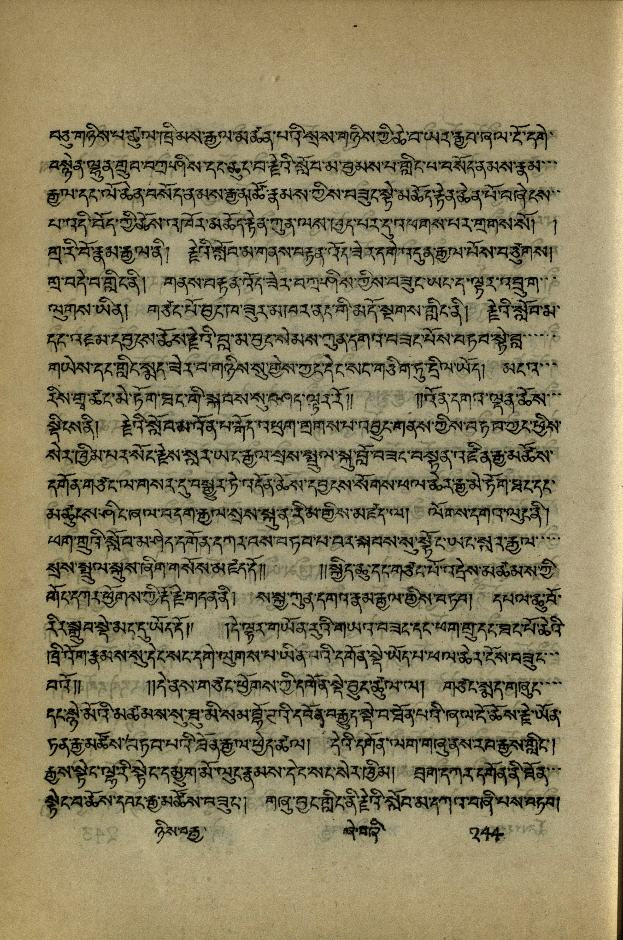བཅུ་གཉིས་པ་ཚུལ་ཁྲིམས་རྒྱལ་མཚན་པའི་སྲས་གཉིས་ཀྱི་ཆེ་བ་ཡར་རྒྱབ་ཞལ་ངོ་དགེ་
བསྙེན་ལྷུན་གྲུབ་བཀྲ་ཤིས་དང་ཆུང་བ་རྗེའི་སློབ་མ་བྱམས་པ་གླིང་པ་བསོད་ནམས་རྣམ་
རྒྱལ་དང་ལོ་ཆེན་བསོད་ནམས་རྒྱ་མཚོ་རྣམས་ཀྱིས་བཟུང་སྟེ་མཆོད་རྟེན་ཆེན་པོ་བཞེངས་
པ་འདི་བོད་ཀྱི་ཆོས་འཁོར་མཆོད་རྟེན་ཀུན་ལས་ཁྱད་པར་དུ་འཕགས་པར་གྲགས་སོ། །
གྲ་རི་བོ་རྣམ་རྒྱལ་ནི། རྗེའི་སློབ་མ་གནས་བརྟན་འོད་ཟེར་དགེ་འདུན་རྒྱལ་པོས་བཙུགས།
གྲ་བདེ་བ་གླིང་ནི། གནས་བརྟན་འོད་ཟེར་བཀྲ་ཤིས་ཀྱིས་བཟུང་ཡང་ད་ལྟར་འབྲུག་
ལུགས་ཡིན། གཙང་པོ་བྱང་ཁ་ཟུར་མཁར་ནང་གི་མདོ་སྔགས་གླིང་ནི། རྗེའི་སློབ་མ་
དང་འཇམ་དབྱངས་ཆོས་རྗེའི་བླ་མ་བྱང་སེམས་ཀུན་དགའ་བཟང་པོས་བཏབ་སྟེ་བླ་
གཡེས་དང་གླིང་སྨད་ཟེར་བ་གཉིས་སུ་གྱེས་ཀྱང་དེང་སང་གཅིག་ཏུ་དྲིལ་ཡོད། མངའ་
རིས་གྲྭ་ཚང་མེ་ཏོག་ཐང་གི་སྐབས་སུ་བཤད་ལྟར་རོ།། །།འོན་དགའ་ལྡན་ཆོས་
སྡིངས་ནི། རྗེའི་སློབ་མ་འོན་པ་རྒོད་འཕྲག་གྲགས་པ་འབྱུང་གནས་ཀྱིས་བཏབ་ཀྱང་ཕྱིས་
སེར་ཁྱིམ་པར་སོང་རྗེས་སླར་ཡང་རྒྱལ་སྲས་སྤྲུལ་སྐུ་བློ་བཟང་བསྟན་འཛིན་རྒྱ་མཚོས་
དགོན་གཙང་ལ་གསར་དུ་བསྒྱུར་ཏེ་འདོན་ཆོས་དབྱངས་སོགས་ཕལ་ཆེར་རྒྱ་མེ་ཏོག་ཐང་དང་
མཚུངས་ཤིང་ཞལ་བདག་རྒྱལ་སྲས་སྐུ་ན་རིམ་གྱིས་མཛད་ལ། ལོགས་དགའ་ལུང་ནི།
ཕག་གྲུའི་སློབ་མ་ཤེད་དགོན་དཀར་བས་བཏབ་པ་བར་སྐབས་སུ་སྟོང་ཡང་སླར་རྒྱལ་
སྲས་སྤྲུལ་སྐུས་ཞིག་གསོས་མཛད་དོ།། །།སྐྱིད་ཆུ་དང་གཙང་པོ་འདྲེས་མཚམས་ཀྱི་
གོང་དཀར་ཕྱོགས་ཀྱི་རྡོ་རྗེ་གདན་ནི། ས་སྐྱ་ཀུན་དགའ་རྣམ་རྒྱལ་གྱིས་བཏབ། དཔལ་ཆུ་བོ་
རིར་སྒྲུབ་སྡེ་མང་དུ་ཡོད་དོ།། །དེ་ལྟར་གཡོན་རུའི་གཡའ་བཟང་དང་ཕག་གྲུ་དང་ཐང་པོ་ཆེའི་
ཁྲི་འོག་རྣམས་སུ་དེང་སང་དགེ་ལུགས་པ་ཡིན་པའི་དགོན་སྡེ་ཡོད་པ་ཕལ་ཆེར་ངོས་བཟུང་
བའོ།། །།དེ་ནས་གཙང་ཕྱོགས་ཀྱི་དགོན་སྡེ་བྱུང་ཚུལ་ལ། གཙང་སྨད་གཞུང་
དང་སྙེ་མོའི་མཚམས་སུ་ཐུ་མི་སམ་བྷོ་ཊའི་དབོན་བརྒྱུད་སྡེ་བ་ཐོན་པའི་ཞལ་ངོ་ཆོས་རྗེ་ཡོན་
ཏན་རྒྱ་མཚོས་བཏབ་པའི་ཐོན་རྒྱལ་ཕྱེད་ཚལ། དེའི་དགོན་ལག་གཞུ་ནས་རབ་རྒྱས་གླིང་།
རྒྱས་སྟེང་ལྷ་རི་སྟེང་དམྱུག་མོ་ལུང་རྣམས་དེང་སང་སེར་ཁྱིམ། བྲག་དཀར་དགོན་ནི་ཐོན་
སྟེང་བ་ཆོས་དབང་རྒྱ་མཚོས་བཟུང་། གཞུ་བྱང་གླིང་ནི་རྗེའི་སློབ་མ་དཀའ་བཞི་པས་བཏབ།